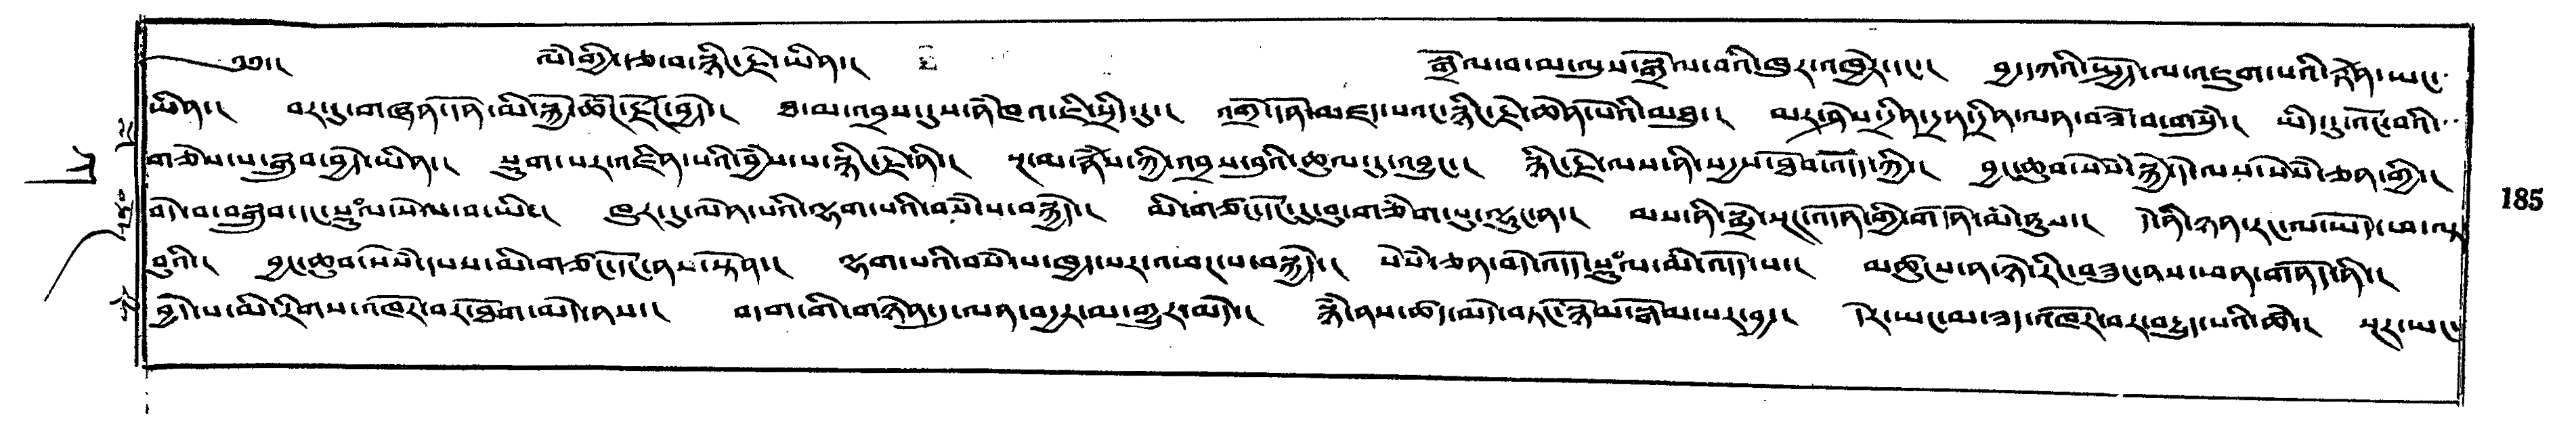ལམ་གྱི་རྩ་བ་སྙིང་རྗེ་ཡིན། །སྒྲོལ་བ་མ་ལུས་སྒྲོལ་བའི་ཁུར་འཁྱེར་དང་། །བྱ་དཀའི་སྤྱོད་ལ་འཇུག་པའི་རྟེན་ཡང་
ཡིན། །བར་དུ་གཞན་དོན་མི་སྐྱོ་ཚོགས་རྫོགས་བྱེད། །ཐ་མ་འབྲས་དུས་ནམ་མཁའ་ཇི་སྲིད་དུ། །འགྲོ་དོན་མཛད་པའང་སྙིང་རྗེ་ཆེན་པོའི་མཐུ། །མར་ཤེས་དྲིན་དྲན་དྲིན་ལས་བཟོ་བ་གསུམ། །ཡིད་དུ་འོང་བའི་
བཅེས་པ་སྒྲུབ་བྱེད་ཡིན། །སྡུག་པར་འཛིན་པའི་བྱམས་པ་སྙིང་རྗེ་ནི། །སྔ་མ་རྣམས་ཀྱི་འབྲས་བུའི་ཚུལ་དུ་འབྱུང་། །སྙིང་རྗེ་ལས་ནི་སངས་རྒྱས་ཐོབ་འདོད་ཀྱི། །བྱང་ཆུབ་སེམས་སྐྱེ་དེ་ལས་སེམས་ཅན་གྱི། །
བདེ་བ་བསྒྲུབ་དང་སྡུག་བསྔལ་སེལ་བ་ཡི། །ཁུར་དུ་ལེན་པའི་ལྷག་པའི་བསམ་པ་བསྐྱེད། །མི་གཙང་དོང་དུ་བུ་གཅིག་པུ་ལྷུང་ན། །མས་ནི་སྨྲེ་སྔགས་འདོན་གྱི་གདོན་མི་ནུས། །དེ་ནི་ཉན་རང་ལ་ཡོད་ཕ་ལྟ་
བུའི། །བྱང་ཆུབ་སེམས་དཔས་མི་གཙང་དོང་ནས་སྟོན། །ལྷག་པའི་བསམ་པ་ཁྱད་པར་འཕགས་པ་བསྐྱེད། །སེམས་ཅན་བདེ་འདོད་སྡུག་བསྔལ་མི་འདོད་པ། །མཚུངས་ན་ཉེ་རིང་བཟུང་ནས་ཕན་གནོད་ནི། །
བྱེད་པ་མི་རིགས་འཁོར་བར་ཐོག་མེད་ནས། །བདག་གི་གཉེན་དུ་ལན་བརྒྱར་མ་གྱུར་མེད། །སྙམ་ནས་ཚད་མེད་བཏང་སྙོམས་སྒོམ་པར་བྱ། །དེར་ཡང་མ་ཟད་འཁོར་བར་བརྒྱུད་པའི་ཚེ། །སྔར་ཡང་